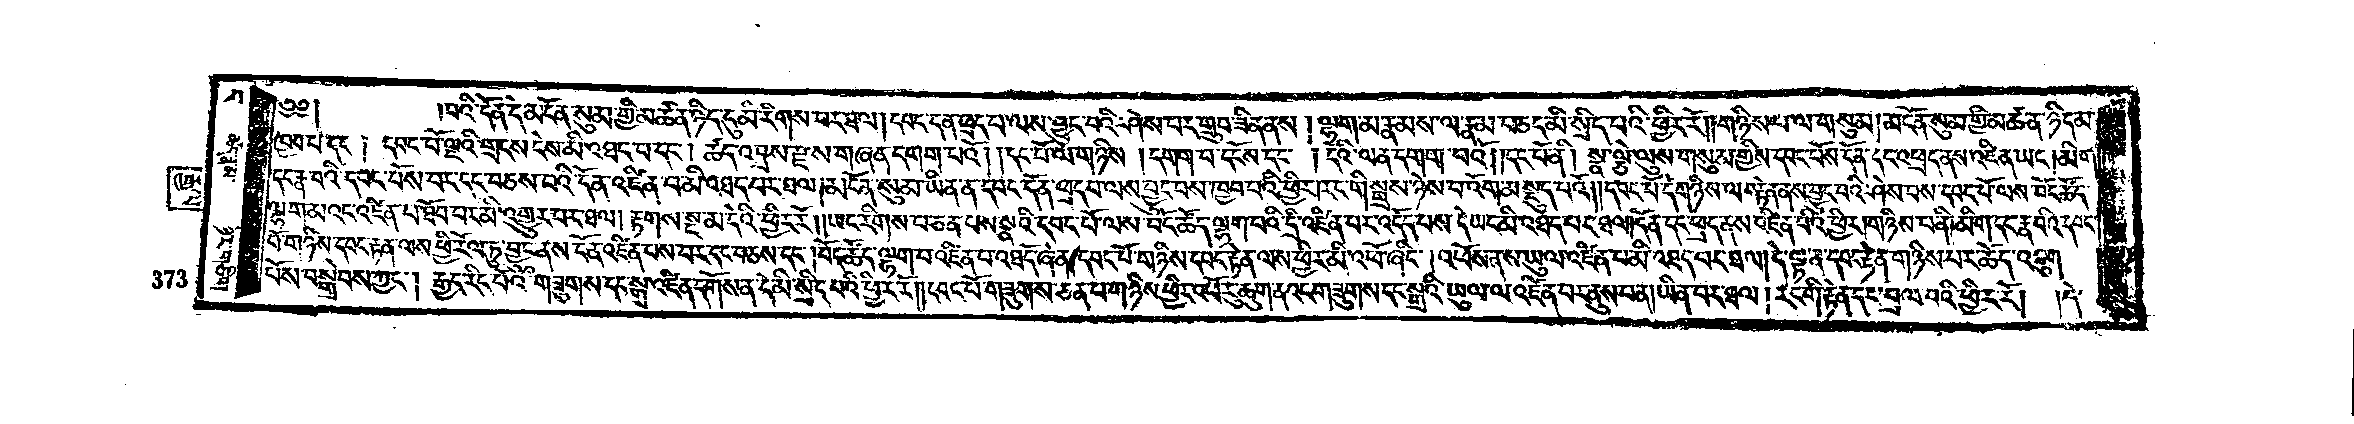༄༅། །བའི་དོན་དེ་མངོན་སུམ་གྱི་མཚན་ཉིད་དུ་མི་རིགས་པར་ཐལ། དབང་དན་ཕྲད་པ་ལས་བྱུང་བའི་ཤེས་པར་གྲུབ་ཟིན་ནས། ལྷག་མ་རྣམས་ལ་རྣམ་བཅད་མི་སྲིད་པའི་ཕྱིར་རོ། །གཉིས་པ་ལ་གསུམ། མངོན་སུམ་གྱི་མཚན་ཉིད་མ་
ཁྱབ་པ་དང་། དབང་པོ་ལྔའི་གྲངས་ངེས་མི་འཐད་པ་དང་། ཚད་འབྲས་རྫས་གཞན་དགག་པའོ། །དང་པོ་ལ་གཉིས། དགག་པ་དངོས་དང་། དེའི་ལན་དགག་པའོ། །དང་པོ་ནི། སྣ་ལྕེ་ལུས་གསུམ་གྱིས་དབང་པོས་དང་འཕྲད་ནས་འཛིན་ཡང་། མིག་
དང་རྣ་བའི་དབང་པོས་བར་དང་བཅས་པའི་དོན་འཛིན་པ་མི་འཐད་པར་ཐལ། མངོན་སུམ་ཡིན་ན་དབང་དོན་ཕྲད་པ་ལས་བྱུང་བས་ཁྱབ་པའི་ཕྱིར། རང་གི་སྒྲས་ཉེས་པ་འོག་མ་སྡུད་པའོ། །དབང་པོ་དེ་གཉིས་ལ་བརྟེན་ནས་བྱུང་བའི་ཤེས་པས་དབང་པོ་ལས་བོད་ཚོད་
ལྷག་མའང་འཛིན་པ་ཐོབ་པར་མི་འགྱུར་བར་ཐལ། རྟགས་སྔ་མ་དེའི་ཕྱིར་རོ། །ཡང་རིགས་པ་ཅན་པས་སྣའི་དབང་པོ་ལས་བོད་ཚོད་ལྷག་པའི་དྲི་འཛིན་པར་འདོད་པས་དེ་ཡང་མི་འཐད་པར་ཐལ། དོན་དང་ཕྲད་ནས་འཛིན་པའི་ཕྱིར། གཉིས་པ་ནི། མིག་དང་རྣ་བའི་དབང་
པོ་གཉིས་དབང་རྟན་ལས་ཕྱི་རོལ་ཏུ་བྱང་ན་སྔོན་འཛིན་པས་བར་དང་བཅས་དང་། བོད་ཚོད་ལྷག་པ་འཛིན་པ་འཐོད་ཞེ་ན། དབང་པོ་གཉིས་དབང་རྟེན་ལས་ཕྱིར་མི་འཕོ་ཞིང་། འཕོས་ནས་ཡུལ་འཛིན་པ་མི་འཐད་པར་ཐལ། དེ་ལྟ་ན་དབང་རྟེན་གཉིས་པར་ཆོད་འཐུག་
པོས་བསྒྲེབས་ཀྱང་། རྒྱང་རིང་པོའི་གཟུགས་དང་སྒྲ་འཛིན་དགོས་ན་དེ་མི་སྲིད་པའི་ཕྱིར་རོ། །དབང་པོ་གཟུགས་ཅན་པ་གཉིས་ཕྱིར་འཕོ་རུ་ཆུག་ནའང་གཟུགས་དང་སྒྲའི་ཡུལ་ལ་འཛིན་པར་ནུས་པ་ན། ཡན་པར་ཐལ། རང་གི་རྟེན་དང་བྲལ་བའི་ཕྱིར་རོ། །དེ་